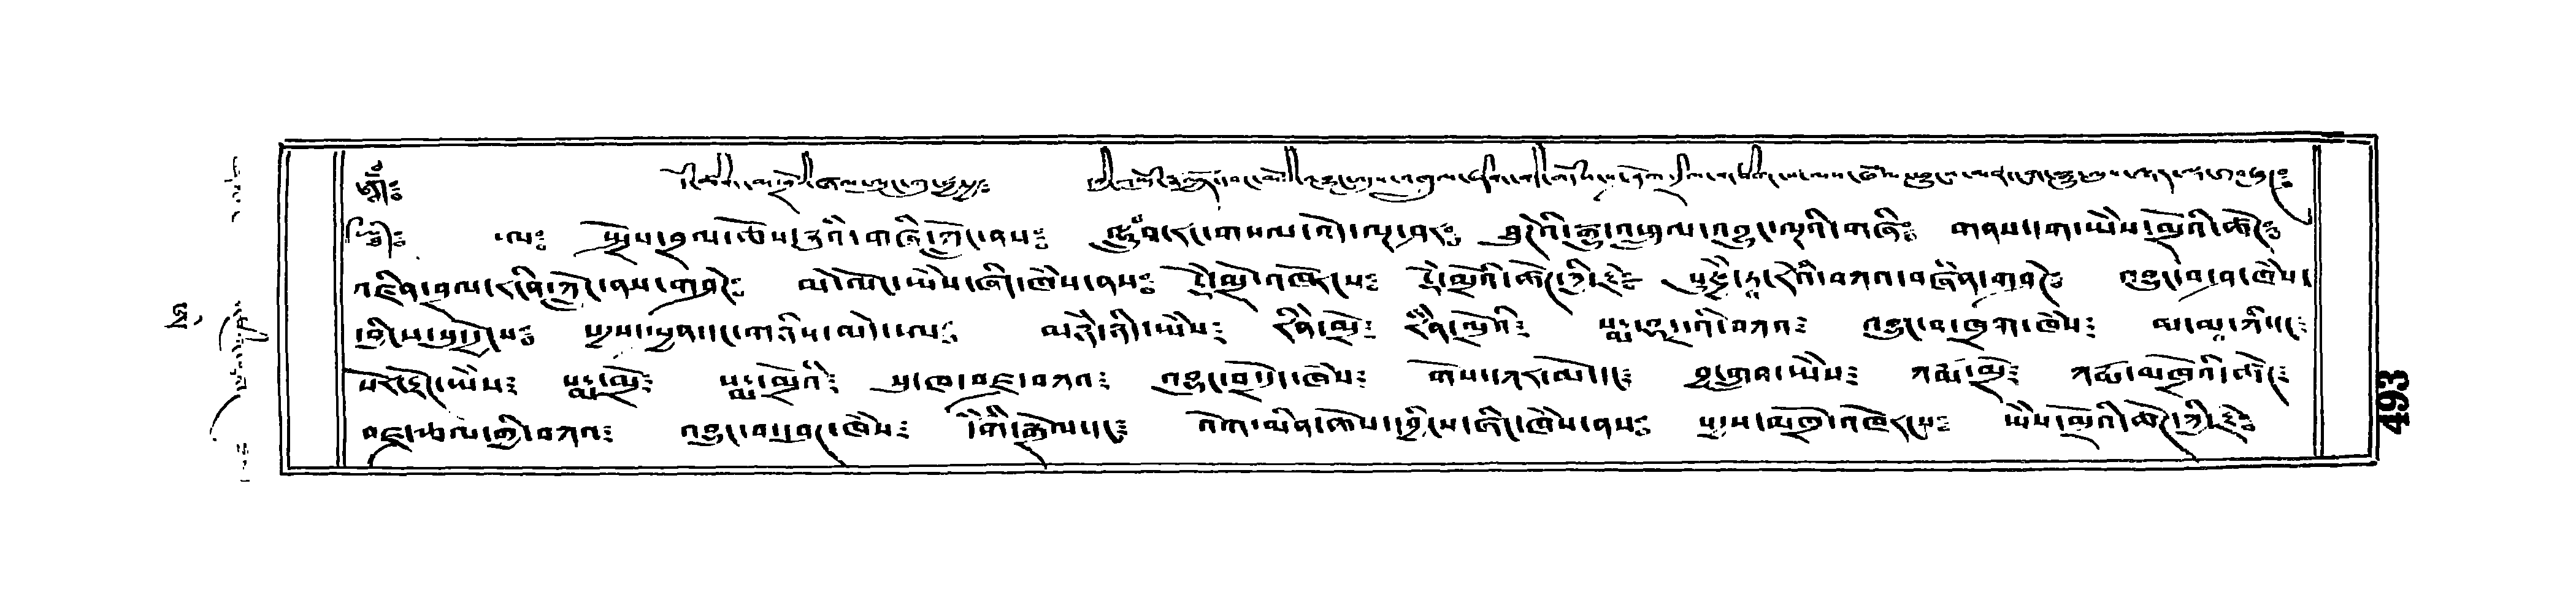དམ་ཚིག་མཁའ་འགྲོའི་ཞལ་ལུང་གུ་ཧྱ་རྒྱ༔ དབྱིངས་ཡུམ་རྣལ་འབྱོར་དབང་མོའི་འབྱུང་ལུས་འཁྲུལ་ཞིག་གི་གདམས་པ་ཤོག་དྲིལ་གཅིག་པ་ལས་ཁོལ་ཕྱུང་མན་ངག་སྒྱུ་ལུས་ལྷར་ལྡང་བཞུགས༔ ༔
ཨཱཿ སྤྲོས་བྲལ་ཆོས་སྐུའི་གཞི་ཀློང་ནས༔ ལྷུན་གྲུབ་རང་གསལ་འོད་ལྔ་ཤར༔ ཐུགས་རྗེའི་སྒྱུ་འཕྲུལ་འབྱུང་ལྔའི་གཞི༔ གནས་དག་ཡེ་ཤེས་མཁའ་འགྲོའི་ཚོགས༔ 
འཛིན་བྲལ་རང་བཞིན་ཀློང་ནས་གཤེགས༔ མེ་ལོང་ཡེ་ཤེས་ཞིང་ཁམས་ནས༔ རྡོ་རྗེ་མཁའ་འགྲོ་འཁོར་དང་བཅས༔ རྡོ་རྗེ་མཁའ་འགྲོའི་ཚོགས་ཀྱི་རྗེ༔ པུཎྱཻ་ཏཱ་རེའི་བཀའ་བཞིན་བཤེགས༔ འབྱུང་བ་ཤ་ཁམས་
དབྱིངས་སུ་དྲོངས༔ སངས་རྒྱས་སྤྱན་དང་གཉིས་མེད་ཨཱཿ མཉམ་ཉིད་ཡེ་ཤེས༴ རིན་ཆེན་མཁའ་འགྲོ༴ རིན་ཆེན་མཁའ་འགྲོའི༴ པདྨ་བྷ་དྲའི་བཀའ༴ འབྱུང་བ་ཁྲག་ཁམས༴ མ་མཱ་ཀི་དང༴ 
སོར་རྟོགས་ཡེ་ཤེས༴ པདྨ་མཁའ་འགྲོ༴ པདྨ་མཁའ་འགྲོའི༴ སུ་ཁ་བཛྲ་བཀའ༴ འབྱུང་བ་དྲོད་ཁམས༴ གོས་དཀར་མོ་དང་༴ བྱ་གྲུབ་ཡེ་ཤེས༴ ཀརྨ་མཁའ་འགྲོ༴ ཀརྨ་མཁའ་འགྲོའི་ཚོགས༴ 
བཛྲ་རྩལ་གྱི་བཀའ༴ འབྱུང་བ་དབུགས་ཁམས༴ དམ་ཚིག་སྒྲོལ་དང༴ འོག་མིན་ཆོས་དབྱིངས་ཞིང་ཁམས་ནས༔ སངས་རྒྱས་མཁའ་འགྲོ་འཁོར་དང་བཅས༔ ཡེ་ཤེས་མཁའ་འགྲོའི་ཚོགས་ཀྱི་རྗེ༔